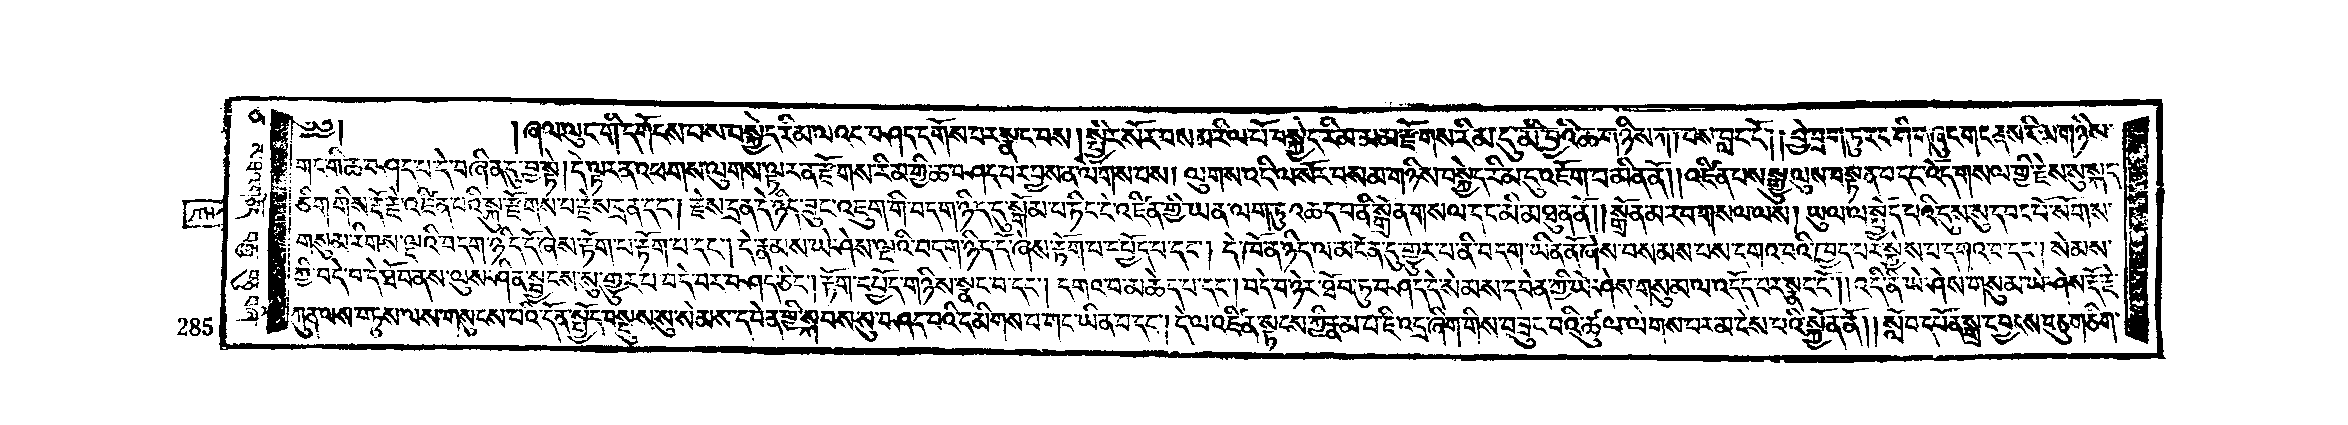༄༅། །ཞལ་ལུང་གི་དགོངས་པས་བསྐྱེད་རིམ་ལའང་བཤད་དགོས་པར་སྣང་བས། སྤྱིར་སོར་བསམ་རིལ་པོ་བསྐྱེད་རིམ་མམ་རྫོགས་རིམ་དུ་མི་བྱའི་ཆ་གཉིས་ཀ་ཁས་བླང་ངོ། །བྱེ་བྲག་ཏུ་རང་གི་གཞུང་གང་ནས་རིམ་གཉིས་
གང་གི་ཆ་བཤད་པ་དེ་བཞིན་དུ་བྱ་སྟེ། དེ་ལྟར་ན་འཕགས་ལུགས་ལྟར་ན་རྫོགས་རིམ་གྱི་ཆ་བཤད་པར་བྱས་ན་ལེགས་པས། ལུགས་འདི་ལ་སོར་བསམ་གཉིས་བསྐྱེད་རིམ་དུ་འཇོག་པ་མིན་ནོ། །འཛིན་པས་སྒྱུ་ལུས་བསྟན་པ་དང་འོད་གསལ་གྱི་རྗེས་སུ་སྐད་
ཅིག་གིས་རྡོ་རྗེ་འཛིན་པའི་སྐུ་རྫོགས་པ་རྗེས་དྲན་དང་། རྗེས་དྲན་དེ་ཉིད་ཟུང་འཇུག་གི་བདག་ཉིད་དུ་སྒོམ་པ་ཏིང་ངེ་འཛིན་གྱི་ཡན་ལག་ཏུ་འཆད་པ་ནི་སྒྲོན་གསལ་དང་མི་མཐུན་ནོ། །སྒྲོན་མ་རབ་གསལ་ལས། ཡུལ་ལ་སྤྱོད་པའི་དུས་སུ་དབང་པོ་སོགས་
གསུམ་རིགས་ལྔའི་བདག་ཉིད་དོ་ཞེས་རྟོག་པ་རྟོག་པ་དང་། དེ་རྣམས་ཡེ་ཤེས་ལྔའི་བདག་ཉིད་དོ་ཞེས་རྟོག་པ་དཔྱོད་པ་དང་། དེ་ཁོ་ན་ཉིད་ལ་མངོན་དུ་གྱུར་པ་ནི་བདག་ཡིན་ནོ་ཞེས་བསམས་པས་དགའ་བའི་ཁྱད་པར་སྐྱེས་པ་དགའ་བ་དང་། སེམས་
ཀྱི་བདེ་བ་དེ་ཐོབ་ནས་ལུས་ཤིན་སྦྱངས་སུ་གྱུར་པ་བདེ་བར་བཤད་ཅིང་། རྟོག་དཔྱོད་གཉིས་སྣང་བ་དང་། དགའ་བ་མཆེད་པ་དང་། བདེ་བ་ཉེར་ཐོབ་ཏུ་བཤད་དེ་སེམས་དབེན་གྱི་ཡེ་ཤེས་གསུམ་ལ་འདོད་པར་སྣང་ངོ། །འདི་ནི་ཡེ་ཤེས་གསུམ་ཡེ་ཤེས་རྡོ་རྗེ་
ཀུན་ལས་བཏུས་ལས་གསུངས་པའི་དོན་སྤྱོད་བསྡུས་སུ་སེམས་དབེན་གྱི་སྐབས་སུ་བཤད་པའི་དམིགས་པ་གང་ཡིན་པ་དང་། དེ་ལ་འཛིན་སྟངས་ཀྱི་རྣམ་པ་ཇི་འདྲ་ཞིག་གིས་བཟུང་བའི་ཚུལ་ལེགས་པར་མ་ངེས་པའི་སྐྱོན་ནོ། །སློབ་དཔོན་སྒྲ་དབྱངས་བཅུ་གཅིག་